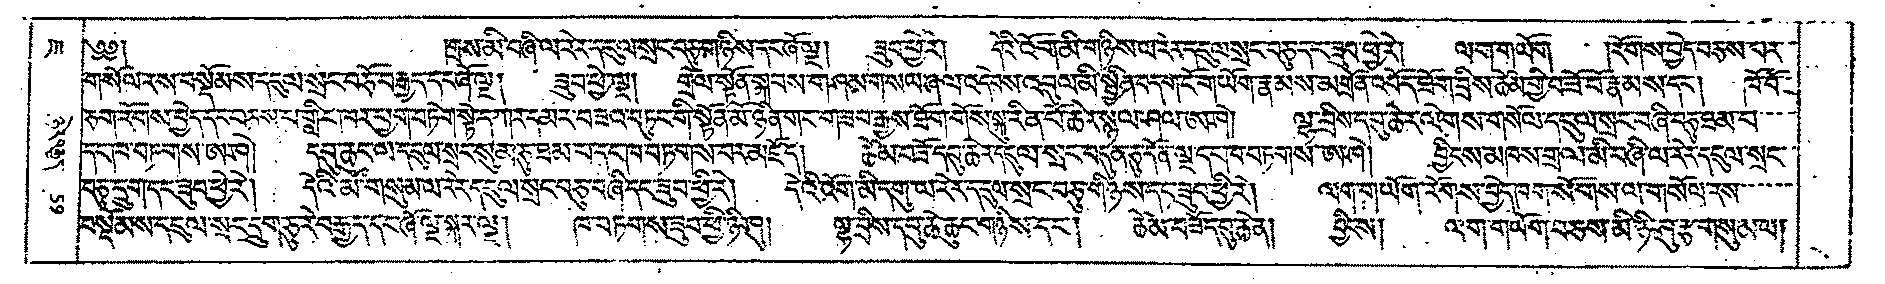༄༅། །གྲས་མི་བཞི་ལ་རེར་དངུལ་སྲང་བཅུ་གཉིས་ཞོ་ལྔ། ཟུབ་ཕྱེ་རེ། དེའི་འོག་མི་གཉིས་ལ་རེར་དངུལ་སྲང་བཅུ་དང་ཟུབ་ཕྱེ་རེ། ལག་གཡོག །རོགས་བྱེད་བཅས་པར་
གསོལ་རས་བསྡོམས་དངུལ་སྲང་བཅོ་བརྒྱད་དང་ཞོ་ལྔ། ཟུབ་ཕྱེ་ལྔ། གྲོལ་སྟོན་སྐབས་གཤམ་གསལ་ཞལ་འདེབས་འབུལ་མི་སྦྱིན་བདག་ངོ་གཡོག་རྣམས་མགྲོན་འབོད་ཐོག་བྲིས་ཚེམ་གྱི་བཟོ་བོ་རྣམས་དང་། ཁོ་བོ་
ཅག་རོགས་བྱེད་དང་བཅས་པ་གླིང་ཁར་ཕྱག་བཏེག་སྟེ་དཀར་དམར་བཟའ་བཏུང་གི་སྟོན་མོ་ཉིན་གང་གཟབ་རྒྱས་ཐོག་གོས་སྐུ་རིན་པོ་ཆེར་སྙལ་ཤལ་ཨ་ཤེ། ལྷ་བྲིས་དབུ་ཆེར་ལེགས་གསོལ་དངུལ་སྲང་བཞི་བཅུ་ཐམ་པ་
དང་ཁ་བཏགས་ཨ་ཤེ། དབུ་ཆུང་ལ་དངུལ་སྲང་སུམ་ཅུ་ཐམ་པ་དང་ཁ་བཏགས་པར་མཛོད། ཚེམ་བཟོ་དབུ་ཆེར་དངུལ་སྲང་བདུན་ཅུ་དོན་ལྔ་དང་ཁ་བཏགས་ཨ་ཤེ། བྱིངས་མཁས་གྲལ་མི་བཞི་ལ་རེར་དངུལ་སྲང་
བཅུ་དྲུག་དང་ཟུབ་ཕྱེ་རེ། དེའི་མི་གསུམ་ལ་རེར་དངུལ་སྲང་བཅུ་བཞི་དང་ཟུབ་ཕྱི་རེ། དེའི་འོག་མི་དགུ་ལ་རེར་དངུལ་སྲང་བཅུ་གཉིས་དང་ཟུབ་ཕྱི་རེ། ལག་གཡོག་རོགས་བྱེད་ཁག་སོགས་ལ་གསོལ་རས་
བསྡོམས་དངུལ་སྲང་དྲུག་ཅུ་རེ་བརྒྱད་དང་ཞོ་ལྔ་སྐར་ལྔ། ཁ་བཏགས་ཟུབ་ཕྱི་ཉིད་ཤུ། ལྷ་བྲིས་དབུ་ཆེ་ཆུང་གཉིས་དང་། ཚེམ་བཟོད་བུ་ཆེན། བྱིངས། ལག་གཡོག་བཅས་མི་ཉི་ཤུ་རྩ་གསུམ་ལ།